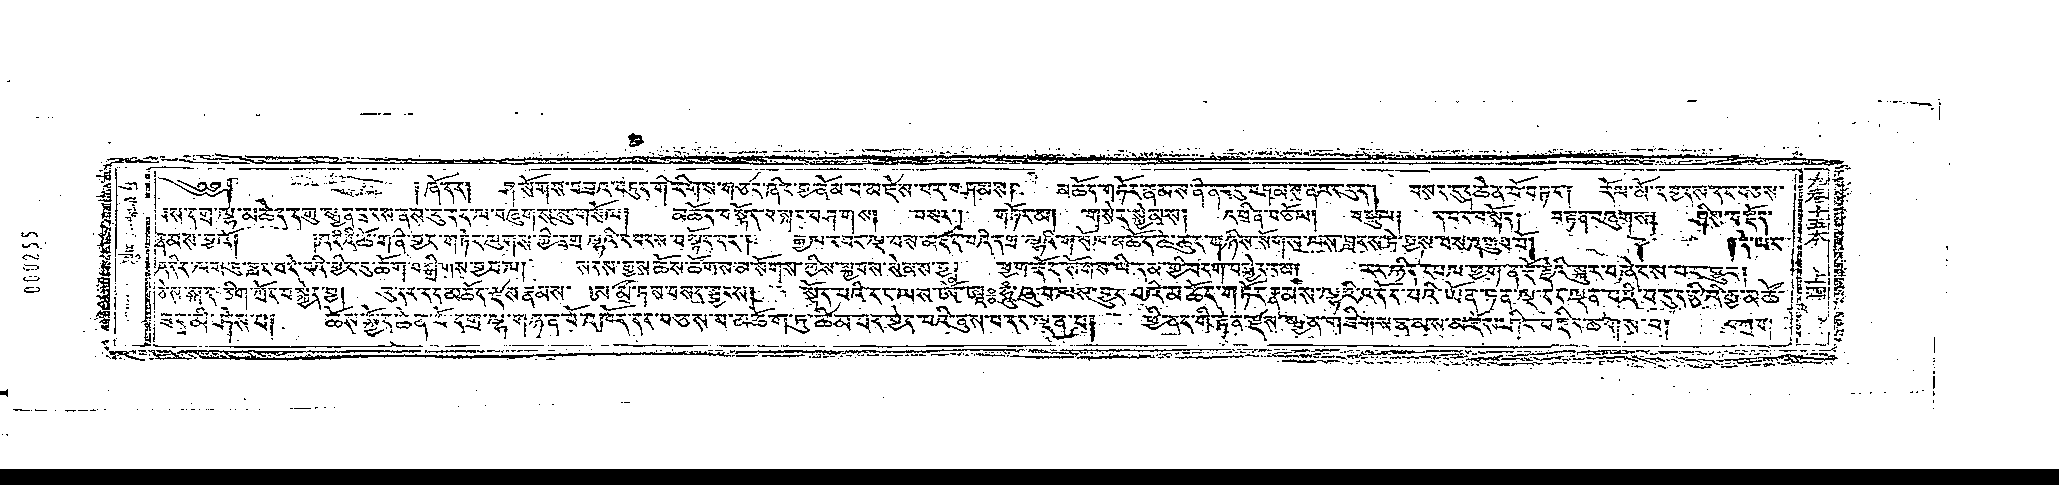༄༅། །ཞོ་དར། ཤ་སོགས་བཟའ་བཏུང་གི་རིགས་གཙང་ཞིང་གྱ་ནོམ་བ་མཛེས་པར་བཤམས། མཆོད་གཏོར་རྣམས་ནི་ནང་དུ་བཤམས་ནའང་རུང་། བསད་དུད་ཆེན་པོ་བཏང་། རོལ་མོ་དབྱངས་དང་བཅས་
པས་དགྲ་ལྷ་མཆོད་དགུ་སྤྱན་དྲངས་ནས་རུ་དར་ལ་བཞུགས་སུ་གསོལ། མཆོད་བསྟོད་བསྐད་བཤགས། བསང་། གཏོར་མ། གསེར་སྐྱེམས།
རྣམས་བྱའོ། །འདིའི་ཆོ་ག་ནི་བྱང་གཏེར་ལུགས་ཀྱི་དགྲ་ལྷའི་དཔངས་བསྟོད་དང་། རྒྱལ་དབང་ལྔ་པས་མཛད་པའི་དགྲ་ལྷའི་གསོལ་མཆོད་ཆེ་ཆུང་གཉིས་སོགས་ལས་བླངས་ཏེ་བྱས་པས་འགྲུབ་བོ། ༈ །དེ་ཡང་
འདིར་ལག་ཏུ་བླང་བདེ་བའི་ཕྱིར་དུ་ཆོ་ག་བསྒྲིགས་བྱ་བ་ལ། སངས་རྒྱས་ཆོས་ཚོགས་མ་སོགས་ཀྱིས་སྐྱབས་སེམས་བྱ། ཕྱག་རྡོར་སོགས་ཡི་དམ་གྱི་བདག་བསྐྱེད་དམ། རང་ཉིད་དཔལ་ཕྱག་ན་རྡོ་རྗེའི་སྐུར་བཞེངས་པར་གྱུར།
ཅེས་སྐད་ཅིག་ཀྲོང་བསྐྱེད་བྱ། རུ་དར་དང་མཆོད་རྫས་རྣམས། ཨ་མྲྀ་ཏས་བསང་སྦྱངས། སྟོང་པའི་ངང་ལས་ཨོཾ་ཨཱཿ་ཧཱུཾ་ཞུ་བ་ལས་བྱུང་བའི་མཆོད་གཏོར་རྣམས་ལྷའི་འདོད་པའི་ཡོན་ཏན་ལྔ་དང་ལྡན་པའི་བ་དུད་རྩིའི་རྒྱ་མཚོ་
ཟད་མི་ཤེས་པ། ཆོས་སྐྱོང་ཆེན་པོ་དགྲ་ལྷ་གཉན་པོ་འཁོར་དང་བཅས་པ་མཆོག་ཏུ་ཚིམ་པར་བྱེད་པའི་ནུས་པ་དང་ལྡན་པ། ཕྱི་ནང་གི་རྟེན་རྫས་སྦྱན་གཟིགས་རྣམས་མཛེས་ཤིང་བརྗིད་ཆགས་པ། བཀྲག།